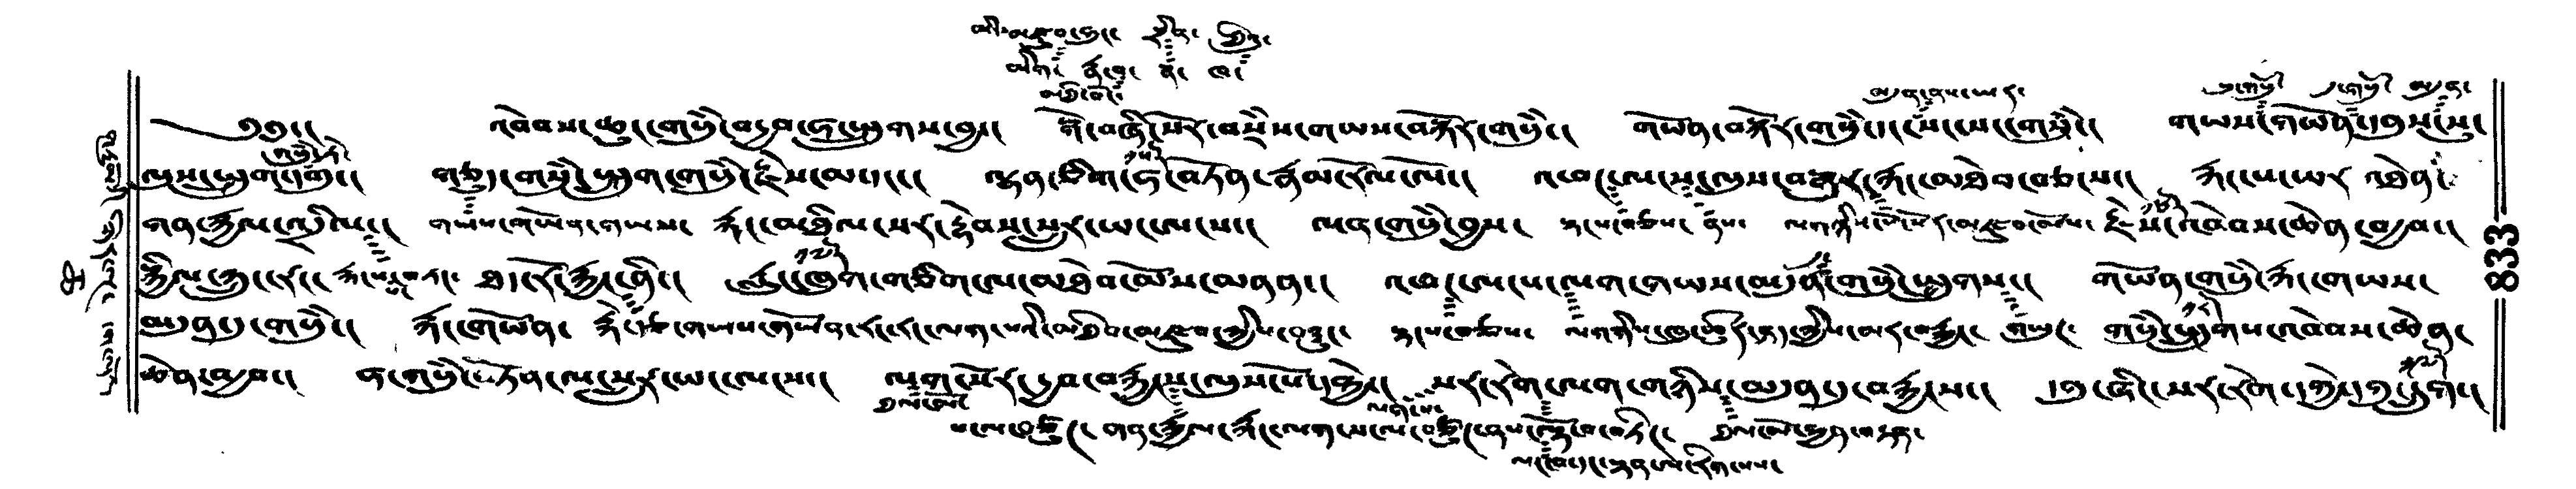།འབེབས་ཆུང་གསུམ་བརྒྱབ་ཧ་སྤྲུགས་བྱ། །སྒོ་བཞི་སོར་བསྡམས་གཡས་བསྐོར་གསུམ། གཡོན་བསྐོར་གསུམ་དང་སང་སང་གསུམ། །གཡས་གཡོན་དབུས་སུ་
ལུས་སྤྲུག་དགུ། །གཅུས་གསུམ་སྤྲུག་གསུམ་རྗེས་མ་དང་། ལྷན་ཅིག་ཧ་བཏོན་རྣམ་རོལ་ལོ། །འཕགས་ལངས་ལུས་བསྒུར་རྐང་མཐེབ་བཅངས། །རྐང་པ་ཡར་འཐེན་
གན་རྐྱལ་འདྲིལ། །རྐང་མཐིལ་སར་རྡེབ་སླར་ཡང་ལངས། །ལན་གསུམ་བྱས་རྗེས་འབེབས་ཆེན་བརྒྱབ། །
སྐྱིལ་ཀྲུང་རང་ཐད་རོ་རྐྱང་ནི། །རླུང་ཁུག་གཅིག་ལ་མཐེབ་མོས་མནན། །འཕགས་ལངས་ལག་གཡས་མདུན་གསུམ་སྤྲུགས། །གཡོན་གསུམ་རྐང་གཡས་
མདུན་དུ་གསུམ། །རྐང་གཡོན་གསུམ་སྤྲུགས་འབེབས་ཆེན་
ཆེན་བརྒྱབ། །ཧ་གསུམ་བཏོན་ལ་སླར་ཡང་ལངས། །ལག་སོར་རྒྱབ་བརྐྱངས་ལུས་པོ་དགྱེ། །སར་རེག་ལག་གཉིས་མདུན་དུ་བརྐྱངས། །དགུ་ཞིང་སར་རེག་དགྱེ་དགུ་དྲུག